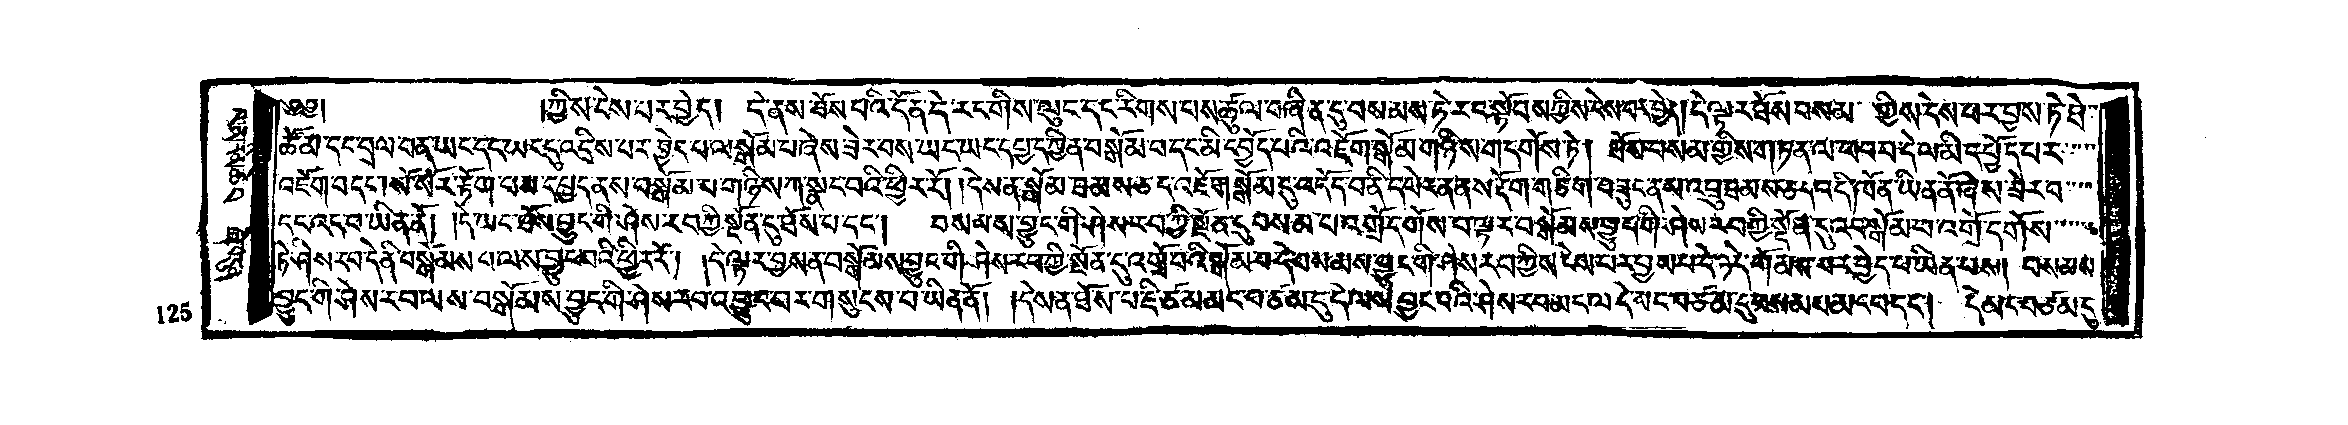༄༅། །ཀྱིས་ངེས་པར་བྱེད། དེ་ནས་ཐོས་པའི་དོན་དེ་རང་གིས་ལུང་དང་རིགས་པས་ཚུལ་བཞིན་དུ་བསམས་ཏེ་རང་སྟོབས་ཀྱིས་ངེས་པར་བྱེད། དེ་ལྟར་ཐོས་བསམ་གྱིས་ངེས་པར་བྱས་ཏེ་ཐེ་
ཚོམ་དང་བྲལ་བན་ཡང་དང་ཡང་དུ་འདྲིས་པར་བྱེད་པ་ལ་སྒོམ་པ་ཞེས་ཟེར་བས་ཡང་ཡང་དཔྱད་ཀྱིན་བསྒོམ་བ་དང་མི་དཔྱོད་པའི་འཇོག་སྒོམ་གཉིས་ག་དགོས་ཏེ། ཐོས་བསམ་གྱིས་གཏན་ལ་ཕབ་པ་དེ་ལ་མི་དཔྱོད་པར་
འཇོག་བ་དང་། སོ་སོར་རྟོག་པས་དཔྱད་ནས་བསྒོམ་པ་གཉིས་ཀ་སྣང་བའི་ཕྱིར་རོ། །དེས་ན་སྒོམ་ཐམས་ཅད་འཇོག་སྒོམ་དུ་འདོད་པ་ནི་དཔེར་ན་ནས་རྡོག་གཅིག་བཟུང་ནས་འབྲུ་ཐམས་ཅད་འདི་ཁོ་ན་ཡིན་ནོ་ཞེས་ཟེར་བ་
དང་འདྲ་བ་ཡིན་ནོ། །དེ་ཡང་ཐོས་བྱུང་གི་ཤེས་རབ་ཀྱི་སྔོན་དུ་ཐོས་པ་དང་། བསམས་བྱུང་གི་ཤེས་རབ་ཀྱི་སྔོན་དུ་བསམ་པ་འགྲོ་དགོས་པ་ལྟར་བསྒོམས་བྱུང་གི་ཤེས་རབ་ཀྱི་སྔོན་དུའང་སྒོམ་པ་འགྲོ་དགོས་
ཏེ་ཤེས་རབ་དེ་ནི་བསྒོམས་པ་ལས་བྱུང་བའི་ཕྱིར་རོ། །དེ་ལྟར་བྱས་ན་བསྒོམས་བྱུང་གི་ཤེས་རབ་ཀྱི་སྔོན་དུ་འགྲོ་བའི་སྒོམ་པ་དེ་བསམས་བྱུང་གི་ཤེས་རབ་ཀྱིས་ངེས་པར་བྱས་པ་དེ་ཉིད་གོམས་པར་བྱེད་པ་ཡིན་པས། བསམས་
བྱུང་གི་ཤེས་རབ་ལས་བསྒོམས་བྱུང་གི་ཤེས་རབ་འབྱུང་བར་གསུངས་པ་ཡིན་ནོ། །དེས་ན་ཐོས་པ་ཇི་ཙམ་མང་བ་ཙམ་དུ་དེ་ལས་བྱུང་བའི་ཤེས་རབ་མང་ལ་དེ་མང་བ་ཙམ་དུ་བསམ་པ་མང་བ་དང་། དེ་མང་བ་ཙམ་དུ་